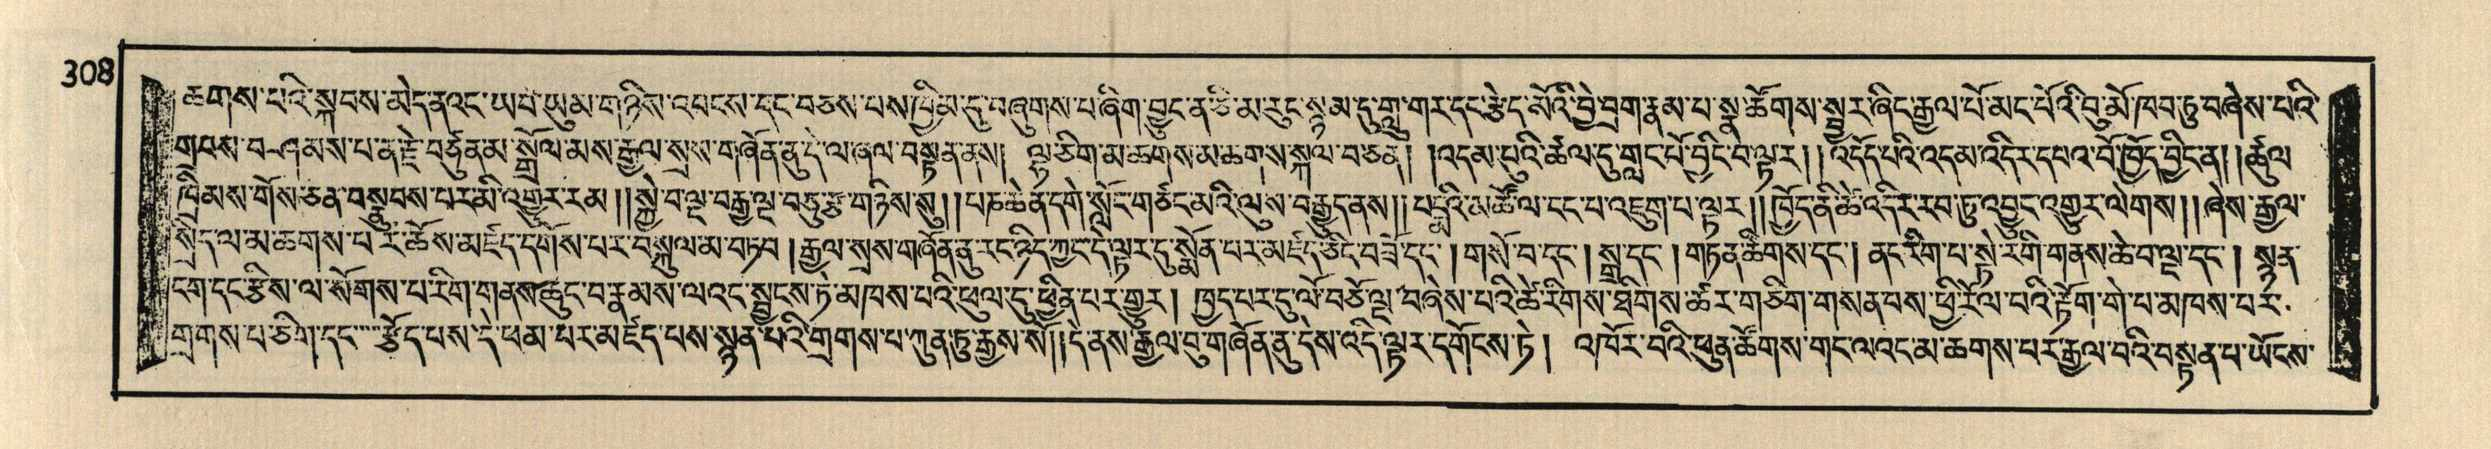ཆགས་པའི་སྐབས་མེད་ནའང་ཡབ་ཡུམ་གཉིས་འབངས་དང་བཅས་པས་ཁྱིམ་དུ་བཞུགས་པ་ཞིག་བྱུང་ན་ཅི་མ་རུང་སྙམ་དུ་གླུ་གར་དང་རྩེད་མོའི་བྱེ་བྲག་རྣམ་པ་སྣ་ཚོགས་སྦྱར་ཞིང་རྒྱལ་པོ་མང་པོའི་བུ་མོ་ཁབ་ཏུ་བཞེས་པའི་
གྲབས་བཤམས་པ་ན་རྗེ་བཙུན་མ་སྒྲོལ་མས་རྒྱལ་སྲས་གཞོན་ནུ་དེ་ལ་ཞལ་བསྟན་ནས། ལྷ་ཅིག་མ་ཆགས་མ་ཆགས་སྐལ་བ་ཅན། །འདམ་པུའི་ཚལ་དུ་གླང་པོ་བྱིང་བ་ལྟར། །འདོད་པའི་འདམ་འདིར་དཔའ་བོ་ཁྱོད་བྱིང་ན། །ཚུལ་
ཁྲིམས་གོས་ཅན་བསྣུབས་པར་མི་འགྱུར་རམ། །སྐྱེ་བ་ལྔ་བརྒྱ་ལྔ་བཅུ་རྩ་གཉིས་སུ། །པཎ་ཆེན་དགེ་སློང་གཙང་མའི་ལུས་བརྒྱུད་ནས། །པདམའི་མཚོ་ལ་ངང་པ་འཇུག་པ་ལྟར། །ཁྱོད་ནི་ཚེ་འདིར་རབ་ཏུ་འབྱུང་འགྱུར་ལེགས། །ཞེས་རྒྱལ་
སྲིད་ལ་མ་ཆགས་པ་ར་ཆོས་མཛད་དགོས་པར་བསྐུལ་མ་བཏབ་།རྒྱལ་སྲས་གཞོན་ནུ་རང་ཉིད་ཀྱང་དེ་ལྟར་དུ་སྨོན་པར་མཛད་ཅིང་བཟོ་དང་། གསོ་བ་དང་། སྒྲ་དང་། གཏན་ཚིགས་དང་། ནང་རིག་པ་སྟེ་རིག་གནས་ཆེ་བ་ལྔ་དང་། སྙན་
ངག་དང་རྩིས་ལ་སོགས་པ་རིག་གནས་ཆུང་བ་རྣམས་ལའང་སྦྱངས་ཏེ་མཁས་པའི་ཕུལ་དུ་ཕྱིན་པར་གྱུར། ཁྱད་པར་དུ་ལོ་བཅོ་ལྔ་བཞེས་པའི་ཚེ་རིགས་ཐིགས་ཚར་གཅིག་གསན་པས་ཕྱི་རོལ་པའི་རྟོག་གེ་པ་མཁས་པར་
གྲགས་པ་ཅིག་དང་རྩོད་པས་དེ་ཕམ་པར་མཛད་པས་སྙན་པའི་གྲགས་པ་ཀུན་ཏུ་རྒྱས་སོ། །དེ་ནས་རྒྱལ་བུ་གཞོན་ནུ་དེས་འདི་ལྟར་དགོངས་ཏེ། འཁོར་བའི་ཕུན་ཚོགས་གང་ལའང་མ་ཆགས་པར་རྒྱལ་བའི་བསྟན་པ་ཡོངས་